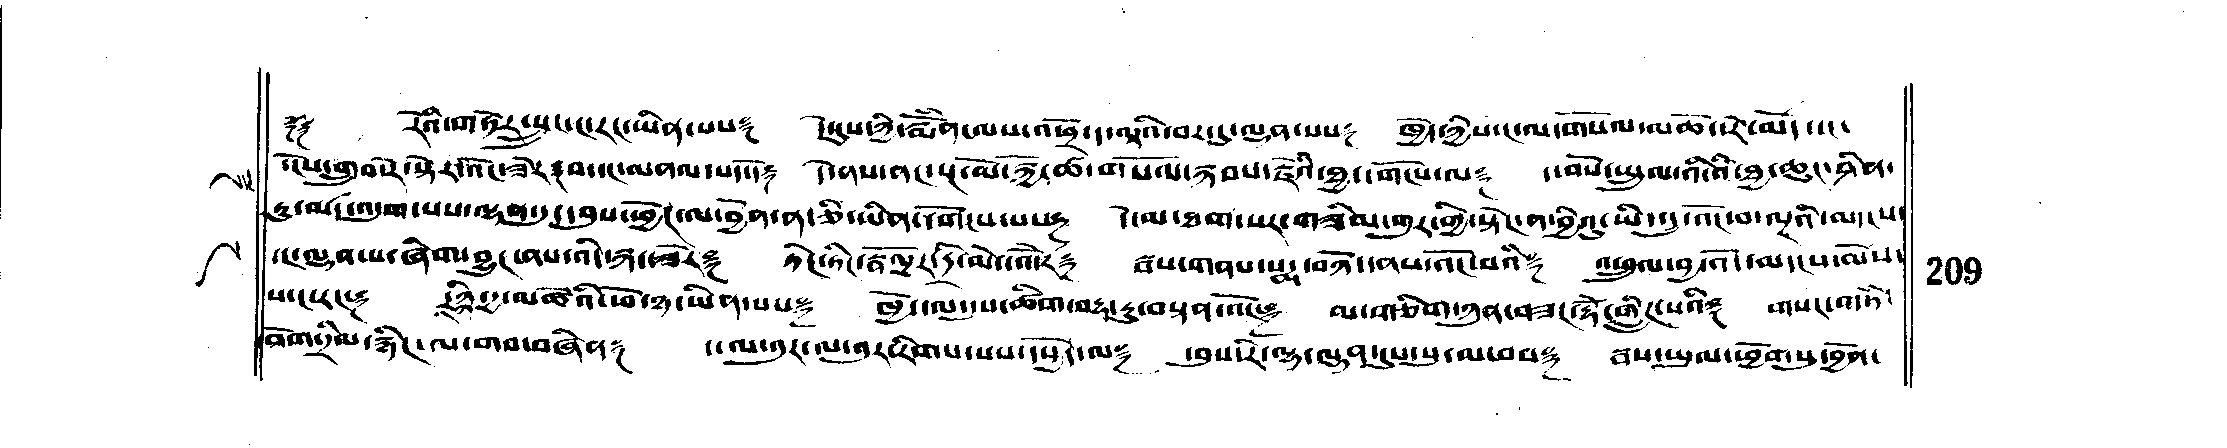རེའི་གཏེར་སྲུང་ང་རང་ཡིན་པས། དེ་དུས་ཀྱི་སྨོན་ལམ་ལས་འཕྲོ་ད་ལྟའི་བར་དུ་ལྡན་པས། ཁྱོད་ཀྱིས་ང་ལ་གསོལ་མཆོད་རེ་མཛོད་དང་
དངོས་གྲུབ་རེ་སྟེར་འོང་ཟེར་བ་དང་མནལ་སད་དོ། དེ་ནས་ནངས་སྔ་མོ་སྐྱོ་ཚ་གསོལ་སྐབས་རྗེའི་ཐུགས་དགོངས་ལ། ད་བསོ་སྤྲུལ་འདིའི་ཐུགས་ཆུང་ཤིན་
ཏུ་མཛད་འདུག་པས་ལྷན་དུ་དབུས་ཕྱོགས་ལ་བྱོན་ན་ཅི་ཡིན་དགོངས་པས། དེ་མ་ཐག་པར་གཟིམ་གུར་གྱི་སྟེང་ན་བྱིའུ་ཡིད་དུ་འོང་བ་ལྔའི་མདངས་
དང་ལྡན་པ་ཞིག་བྱུང་ནས་འདི་སྐད་ཟེར། ཏིང་ཏིང་རྣལ་འབྱོར་དྲི་མེད་འོད་ཟེར། །སྦས་གནས་པདྨ་བཀོད་ནས་འོང་བའི། །འཕྲུལ་བྱ་འོད་མདངས་མོས་
པ་ང་རང་། །ཌཱཀྐི་རྒྱ་མཚོའི་ཕོ་ཉ་ཡིན་པས། ཁྱོད་ལ་དུས་ཚིགས་བརྡ་རྒྱུ་བསྟན་འོང་། །མ་གཅིག་ཀུན་བཟང་རྡོ་རྗེ་གླིང་པའི། །གསང་གཏམ་
ཤོག་དྲིལ་སྙིང་ལ་གབ་བཞིན། །ད་ལ་འུར་ལ་འུར་རིགས་པས་དཔྱོད་ལ། །དབུས་རི་ལྷ་ལྡན་དུས་སུ་མ་བབ། །སྦས་ཡུལ་ཕྱོགས་སུ་བྱོན་